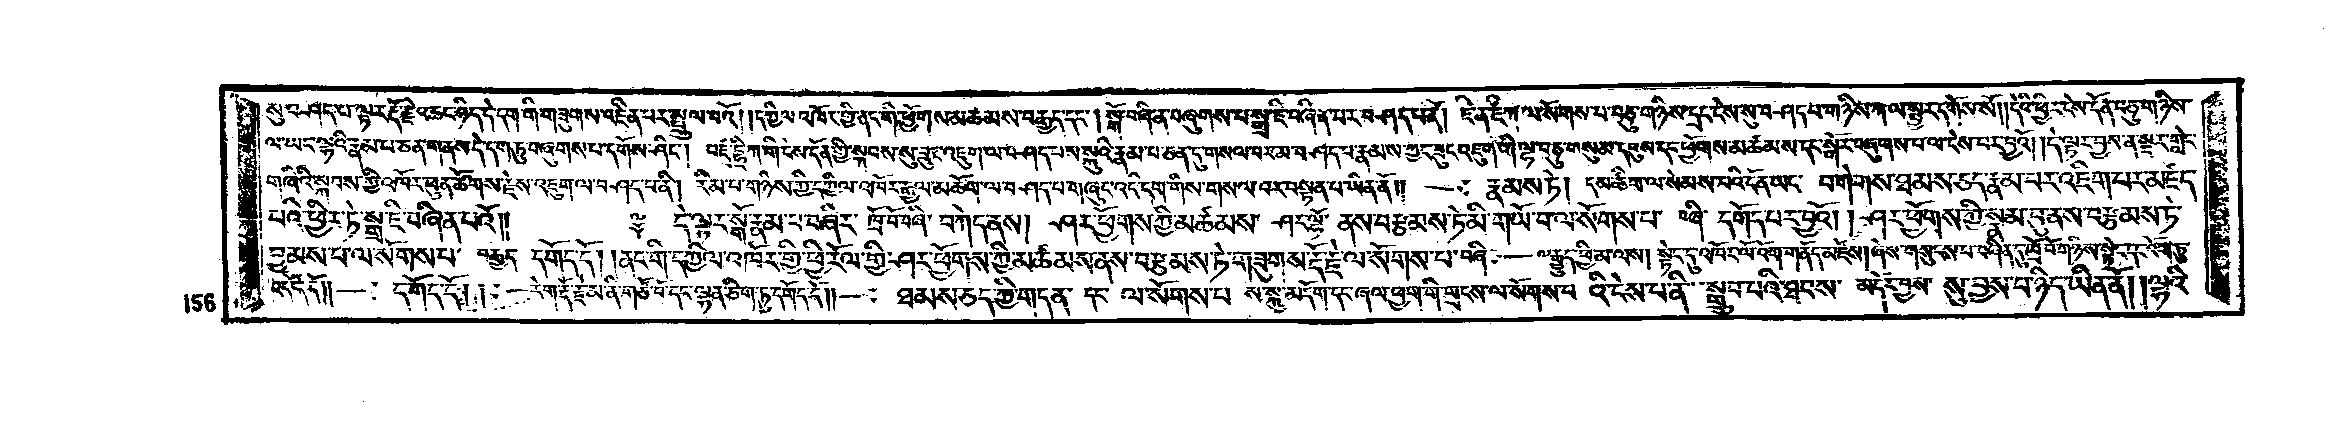སུ་བཤད་པ་ལྟར་རྡོ་རྗེ་འཆང་ཉིད་དེ་དག་གི་གཟུགས་འཛིན་པར་སྤྲུལ་བའོ། །དཀྱིལ་འཁོར་གྱི་ནང་གི་ཕྱོགས་མཚམས་བརྒྱད་དང་། སྒོ་བཞི་ན་བཞུགས་པ་སྒྲ་ཇི་བཞིན་པར་བཤད་པ་ནི། ཛི་ན་ཛི་ཀ་ལ་སོགས་པ་བཅུ་གཉིས་དྲང་ངེས་སུ་བཤད་པ་གཉིས་ཀ་ལ་སྦྱར་དགོས་སོ། །དེའི་ཕྱིར་ངེས་དོན་བཅུ་གཉིས་
ལ་ཡང་ལྷའི་རྣམ་པ་ཅན་གནས་དེ་དག་ཏུ་བཞུགས་པ་དགོས་ཤིང་། བཛྲ་དྷྲིཀ་གི་ངེས་དོན་གྱི་སྐབས་སུ་ཟུང་འཇུག་ལ་བཤད་པས་སྐུའི་རྣམ་པ་ཅན་དུ་གསལ་བར་མ་བཤད་པ་རྣམས་ཀྱང་ཟུང་འཇུག་གི་ལྷ་བཅུ་གསུམ་དབུས་དང་ཕྱོགས་མཚམས་དང་སྒོར་བཞུགས་པ་ལ་ངེས་པར་བྱའོ། །དེ་ལྟར་བྱས་ན་སྔར་གླིང་
གཞིའི་སྐབས་ཀྱི་འཁོར་ཕུན་ཚོགས་རྗེས་འཇུག་ལ་བཤད་པ་ནི། རིམ་པ་གཉིས་ཀྱི་དཀྱིལ་འཁོར་རྒྱལ་མཆོག་ལ་བཤད་པ་གཞུང་འདི་དག་གིས་གསལ་བར་བསྟན་པ་ཡིན་ནོ།། .Hརྣམས་ཏེ། དམ་ཚིག་ལ་སེམས་པའི་དོན་ཡང་བགེགས་ཐམས་ཅད་རྣམ་པར་འཇིག་པར་མཛད་
པའི་ཕྱིར་ཏེ་སྒྲ་ཇི་བཞིན་པའོ།། ༈ དེ་ལྟར་སྒོ་རྣམ་པ་བཞིར་ཁྲོ་བོ་བཞི་བཀོད་ནས། ཤར་ཕྱོགས་ཀྱི་མཚམས་ཤར་ལྷོ་ནས་བརྩམས་ཏེ་མི་གཡོ་བ་ལ་སོགས་པ་བཞི་དགོད་པར་བྱའོ། །ཤར་ཕྱོགས་ཀྱི་སྣམ་བུ་ནས་བརྩམས་ཏེ་
བྱམས་པ་ལ་སོགས་པ་བརྒྱད་དགོད་དོ། །ནང་གི་དཀྱིལ་འཁོར་གྱི་ཕྱི་རོལ་གྱི་ཤར་ཕྱོགས་ཀྱི་མཚམས་ནས་བརྩམས་ཏེ་གཟུགས་རྡོ་རྗེ་ལ་སོགས་པ་བཞིཿ་༧རྒྱུད་ཕྱི་མ་ལས། སྟེང་དུ་འཁོར་ལོ་འོག་གནོད་མཛེས། ཞེས་གསུངས་པ་བཞིན་དུ་ཁྲོ་བོ་གཉིས་སྟེང་དང་འོག་ཏུ་
དགོད་དོ།། .Hདགོད་དོ།།H.་རེག་རྡོ་རྗེ་མ་ནི་གཙོ་བོ་དང་ལྷན་ཅིག་ཏུ་དགོད་དོ།།  .Hཐམས་ཅད་ཀྱི་གདན་དང་ལ་སོགས་པ་ས་སྐུ་མདོག་དང་ཞལ་ཕྱག་གི་གྲངས་ལ་སོགས་པའི་ངེས་པ་ནི་སྒྲུབ་པའི་ཐབས་མདོར་བྱས་སུ་བྱས་པ་ཉིད་ཡིན་ནོ། །ལྷའི་